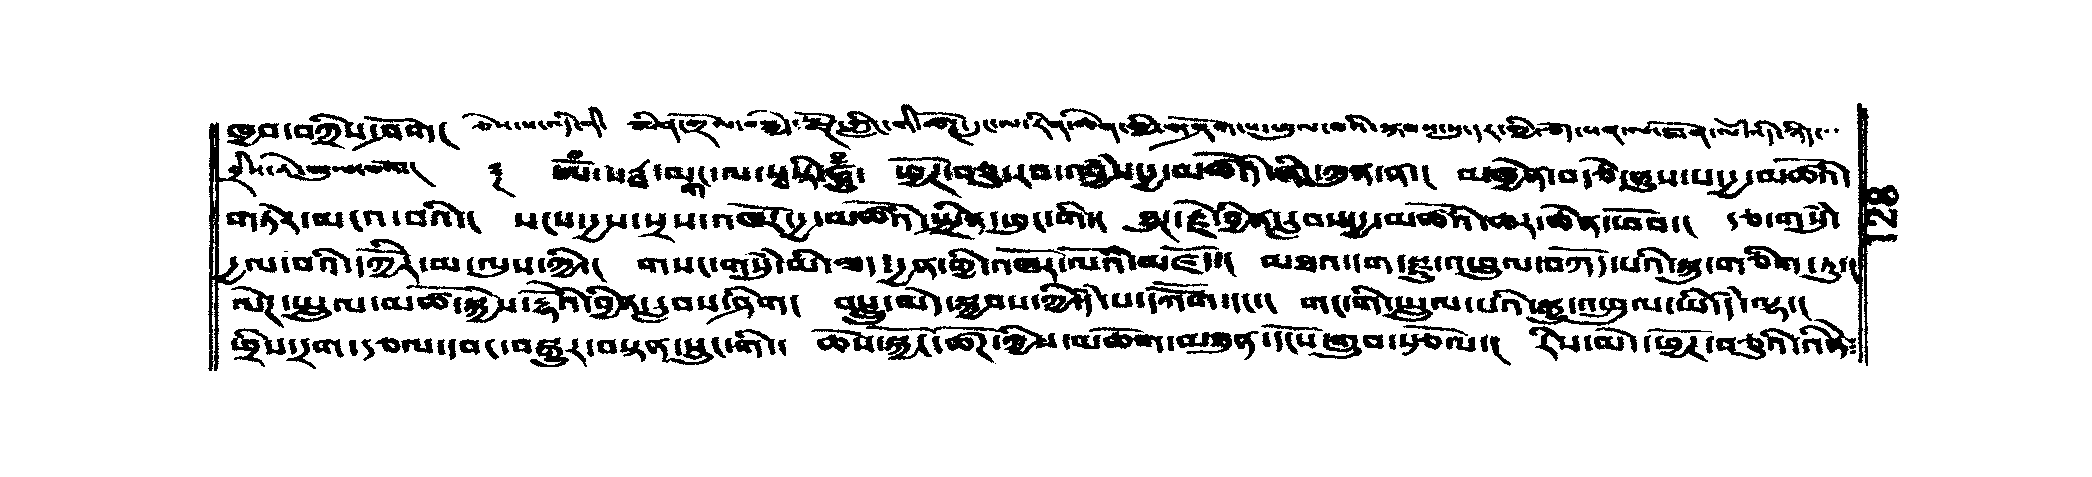ཁྱབ་བཀྲ་ཤིས་ཤོག ཅེས་པ་འདི་ནི་སྨིན་གྲོལ་བསྐྱེད་རྫོགས་གླིང་གི་ཚོགས་དུང་ལ་རིན་ཆེན་གྱི་གཤོག་པ་ཕུལ་བའི་སྐབས་སུ་དར་གྱི་ཅོད་པན་ལ་སྨོན་ལམ་འདི་ཉིད་
བྲིས་ཏེ་ཕུལ་པའོ། ༈ ཨོཾ་སརྦ་མངྒ་ལ་སྭསྟི་ཧཱུྃ།ཕྱོགས་བཅུ་རབ་འབྱམས་རྒྱ་མཚོའི་ཞིང་ཀུན་ན། །མཁྱེན་བརྩེ་ནུས་པ་རྒྱ་མཚོའི་
གཏེར་མངའ་བའི། །སངས་རྒྱས་སྲས་འཁོར་རྒྱ་མཚོའི་སྤྲིན་ཕུང་གིས། །ཐུགས་རྗེ་བྱིན་རླབས་རྒྱ་མཚོའི་ཆར་ཆེན་ཕོབ། །རྩ་གསུམ་
རྒྱལ་བའི་དཀྱིལ་འཁོར་མ་ལུས་ཀྱི། །གསང་གསུམ་མི་ཟད་རྒྱན་གྱི་འཁོར་ལོའི་མཛོད། །མཐའ་དག་རྫུ་འཕྲུལ་བཀོད་པའི་སྐུ་གཅིག་ཏུ། །
ལེགས་སྤྲུལ་མཚོ་སྐྱེས་རྡོ་རྗེའི་བྱིན་རླབས་ཤིང་། །བསླུ་མེད་སྐྱབས་ཀྱི་དམ་པ་དཀོན་མཆོག་དང་། །གང་གི་སྤྲུལ་པའི་སྒྱུ་འཕྲུལ་ཡི་དམ་ལྷ། །
ཕྲིན་ལས་དྲག་རྩལ་དབང་བསྒྱུར་བསྟན་སྲུང་གི །ཆོས་སྐྱོང་ཚོགས་ཀྱིས་མཆོག་ཐུན་དངོས་གྲུབ་སྩོལ། །རིས་མེད་ཕྱོགས་བཅུའི་འཇིག་རྟེན་